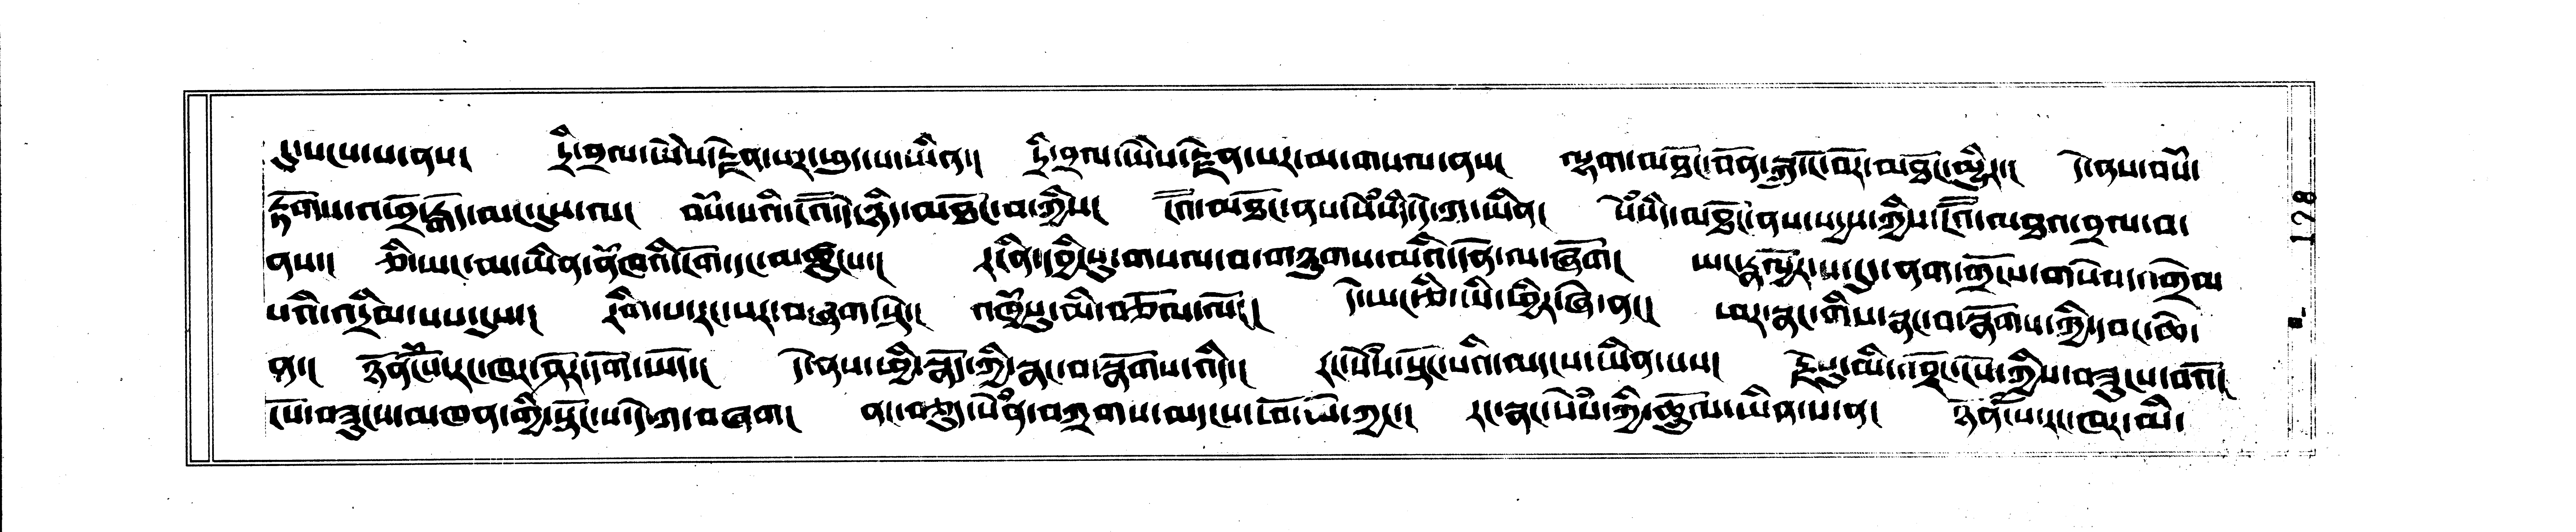དུ་སང་བུན་ནེ། དྲི་བྲལ་ཡེ་ཤེས་རྗེན་པར་བུད་པ་ཡིན། དྲི་བྲལ་ཡེ་ཤེས་རྗེན་པར་མ་གསལ་ན། ལྷག་མཐོང་གི་བོན་སྐུ་འོང་པར་མཐོང་པར་མི་འགྱུར། དེ་ན་བསམ་
རྟོག་འཕྲོ་རྒོད་མང་དུས་ལ། བསམ་པའི་ངོའོ་དེ་ཉིད་མཐོང་པར་གྱིས། ངོའོ་མཐོང་ན་སེམས་ཉིད་དེ་ཀ་ཡིན། སེམས་ཉིད་མཐོང་ནས་སངས་རྒྱས་ཀྱི་ངོའོ་ཐོག་མཐའ་བྲལ་ཝན་
ན། ཅི་ཡང་མ་ཡིན་ནམ་མཁའི་ངོག་དང་མཚུངས། རང་བཞིན་དབྱིངས་གསལ་གཉུག་མའི་དོན་ལ་ཞོག ཡང་རྣལ་འབྱོར་པ་དུད་ནག་དང་གྲོང་གསེབ་འགྲིམ་
པའི་དུས། རིག་པ་རང་སོར་བཞག་ཏེ་འཁྱམས་སུ་མི་བཅོལ། དེ་ཡང་ཅིའི་ཕྱིའི་ཞེ་ན། ཕར་སྣང་བ་སྣ་ཚོགས་ནི་དབང་ཆེ་
ནས། ཉོན་མོངས་རང་ཁར་ཤོར་དོགས་ཡོད། དེ་ནས་ཕྱི་སྣོད་ཀྱི་སྣང་བ་སྣ་ཚོགས་ཀྱང་། རང་སེམས་སྟོང་པའི་གདང་ཡིན་པས། རྗེས་སུ་མི་འབྲེང་ངོས་སུ་བཟུངས་པའོ། 
ངོས་བཟུང་མཁན་ཀྱང་སྟོང་པ་དེ་ཀར་བཞག ནང་བཅུད་བཀྲག་མདངས་སེམས་ཅན་ཕོ་སྨོས་‘‘མོ”ཀྱང་། རང་སྣང་སེམས་ཀྱི་ཆོ་འཁྲུལ་ཡིན་པས་ནི། ཉོན་མོངས་རང་ཁར་མི་